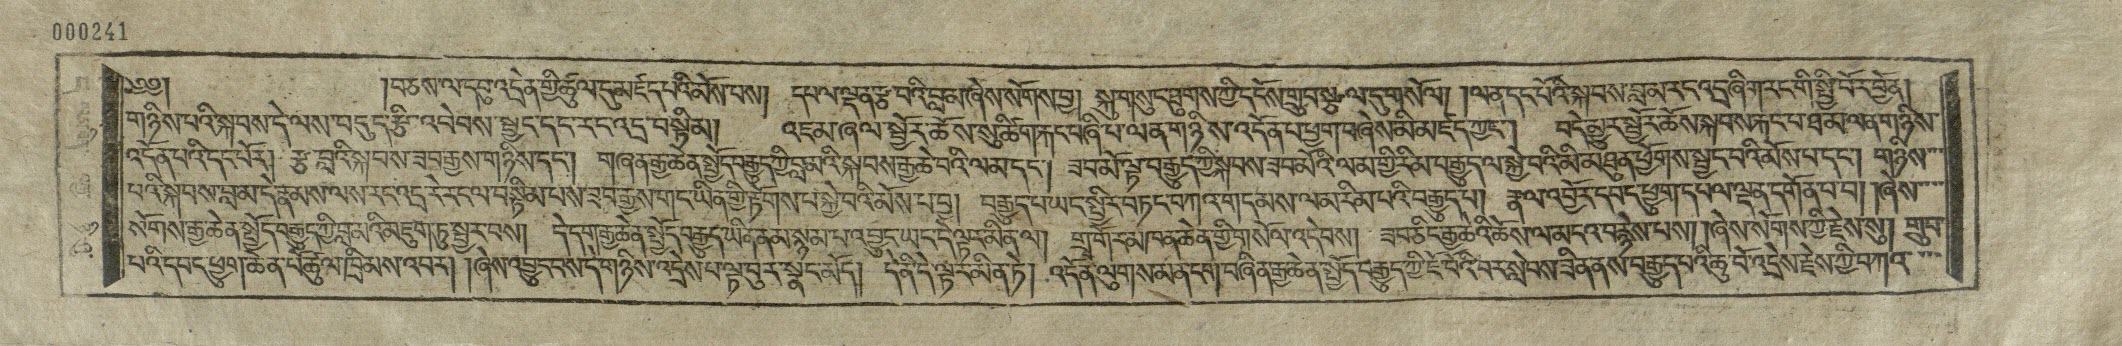༄༅། །བཅས་ལ་དབུ་འདྲེན་གྱི་ཚུལ་དུ་མཛད་པའི་མོས་པས། དཔལ་ལྡན་རྩ་བའི་བླ་མ་ཞེས་སོགས་བྱ། སྐུ་གསུང་ཐུགས་ཀྱི་དངོས་གྲུབ་སྩལ་དུ་གསོལ། །ལན་དང་པོའི་སྐབས་བླ་མ་རང་འདྲ་ཞིག་རང་གི་སྤྱི་བོར་བྱོན།
གཉིས་པའི་སྐབས་དེ་ལས་བདུད་རྩི་འབེབས་སྦྱང་དང་རང་འདྲ་བསྟིམ། འཇམ་ཞལ་སྦྱོར་ཆོས་སུ་ཚིག་རྐང་བཞི་པ་ལན་གཉིས་འདོན་པ་ཕྱག་བཞེས་མི་མཛད་ཀྱང་། བདེ་མྱུར་སྦྱོར་ཆོས་སྐབས་རྐང་པ་ཐ་མ་ལན་གཉིས་
འདོན་པའི་དང་པོར། རྩ་བླའི་སྐབས་ཟབ་རྒྱས་གཉིས་དང་། གཞན་རྒྱ་ཆེན་སྤྱོད་བརྒྱུད་ཀྱི་བླ་མའི་སྐབས་རྒྱ་ཆེ་བའི་ལམ་དང་། ཟབ་མོ་ལྟ་བརྒྱུད་ཀྱི་སྐབས་ཟབ་མོའི་ལམ་གྱི་རིམ་པ་རྒྱུད་ལ་སྐྱེ་བའི་མི་མཐུན་ཕྱོགས་སྦྱང་བའི་མོས་པ་དང་། གཉིས་
པའི་སྐབས་བླ་མ་དེ་རྣམས་ལས་རང་འདྲ་རེ་རང་ལ་བསྟིམ་པས་ཟབ་རྒྱས་གང་ཡིན་གྱི་རྟོགས་པ་སྐྱེ་བའི་མོས་པ་བྱ། བརྒྱུད་པ་ཡང་སྤྱིར་བཏང་བཀའ་གདམས་ལམ་རིམ་པའི་བརྒྱུད་པ། རྣལ་འབྱོར་དབང་ཕྱུག་དཔལ་ལྡན་དགོན་པ་བ། །ཞེས་
སོགས་རྒྱ་ཆེན་སྤྱོད་བརྒྱུད་ཀྱི་བླ་མའི་མཇུག་ཏུ་སྦྱར་བས། དེ་དག་རྒྱ་ཆེན་སྤྱོད་བརྒྱུད་ཡིན་ནམ་སྙམ་པ་འབྱུང་ཡང་དེ་ལྟར་མིན་ལ། གྲྭ་གོར་མཁན་ཆེན་གྱི་གསོལ་འདེབས། ཟབ་ཅིང་རྒྱ་ཆེའི་ཆོས་ལ་མངའ་བརྙེས་པས། །ཞེས་སོགས་ཀྱི་རྗེས་སུ། གྲུབ་
པའི་དབང་ཕྱུག་ཆེན་པོ་ཚུལ་ཁྲིམས་འབར། །ཞེས་འབྱུང་བས་དེ་གཉིས་འདྲེས་པ་ལྟ་བུར་སྣང་མོད། དེ་ནི་དེ་ལྟར་མིན་ཏེ། འདོན་ལུགས་མན་ངག་བཞིན་རྒྱ་ཆེན་སྤྱོད་བརྒྱུད་ཀྱི་ཇོ་བོའི་བར་སླེབས་ཟིན་ནས་བརྒྱུད་པའི་ཆུ་བོ་འདྲེས་རྗེས་ཀྱི་བཀའ་